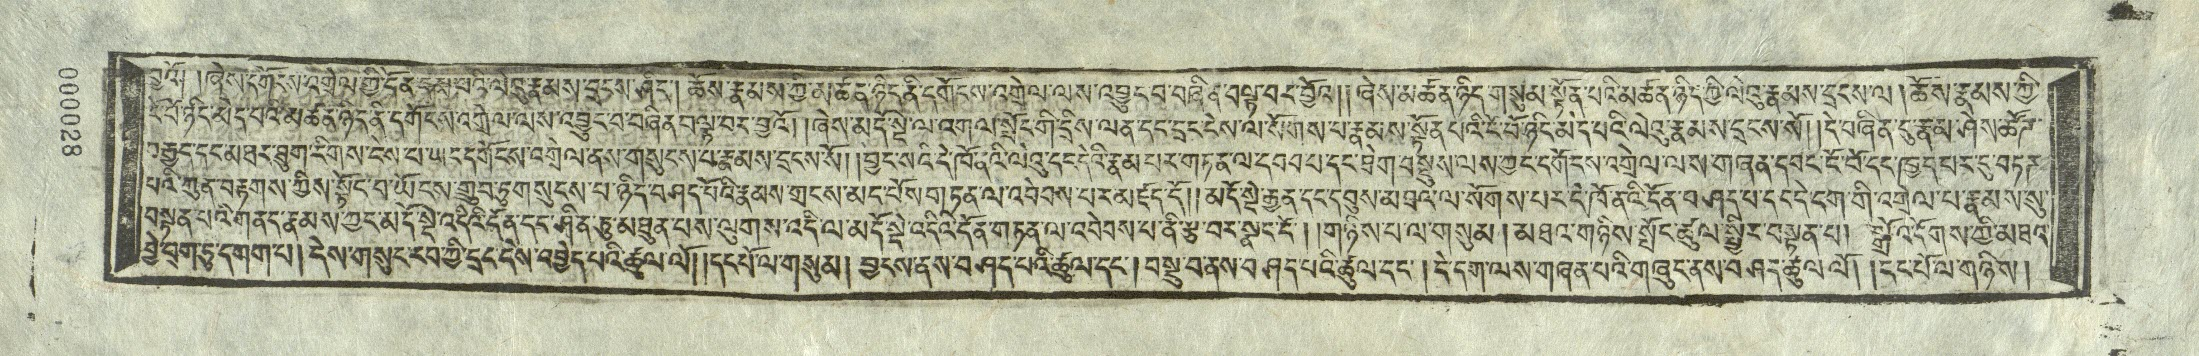བྱའོ། །ཞེས་དགོངས་འགྲེལ་གྱི་དོན་དམ་པའི་ལེའུ་རྣམས་དྲངས་ཤིང་། ཆོས་རྣམས་ཀྱི་མཚན་ཉིད་ནི་དགོངས་འགྲེལ་ལས་འབྱུང་བ་བཞིན་བལྟ་བར་བྱའོ། །ཞེས་མཚན་ཉིད་གསུམ་སྟོན་པའི་མཚན་ཉིད་ཀྱི་ལེའུ་རྣམས་དྲངས་ལ། ཆོས་རྣམས་ཀྱི་
ངོ་བོ་ཉིད་མེད་པའི་མཚན་ཉིད་ནི་དགོངས་འགྲེལ་ལས་འབྱུང་བ་བཞིན་བལྟ་བར་བྱའོ། །ཞེས་མདོ་སྡེ་ལ་འགལ་སྤོང་གི་དྲིས་ལན་དང་དྲང་ངེས་ལ་སོགས་པ་རྣམས་སྟོན་པའི་ངོ་བོ་ཉིད་མེད་པའི་ལེའུ་རྣམས་དྲངས་སོ། །དེ་བཞིན་དུ་རྣམ་ཤེས་ཚོགས་
བརྒྱད་དང་མཐར་ཐུག་རིགས་ངེས་པ་ཡང་དགོངས་འགྲེལ་ནས་གསུངས་པ་རྣམས་དྲངས་སོ། །བྱང་སའི་དེ་ཁོ་ནའི་ལེའུ་དང་དེའི་རྣམ་པར་གཏན་ལ་དབབ་པ་དང་ཐེག་བསྡུས་ལས་ཀྱང་དགོངས་འགྲེལ་ལས་གཞན་དབང་ངོ་བོ་དང་ཁྱད་པར་དུ་བཏགས་
པའི་ཀུན་བརྟགས་ཀྱིས་སྟོང་པ་ཡོངས་གྲུབ་ཏུ་གསུངས་པ་ཉིད་བཤད་པའི་རྣམས་གྲངས་མང་པོས་གཏན་ལ་འབེབས་པར་མཛད་དོ། །མདོ་སྡེ་རྒྱན་དང་དབུས་མཐའ་ལ་སོགས་པར་དེ་ཁོ་ནའི་དོན་བཤད་པ་དང་དེ་དག་གི་འགྲེལ་པ་རྣམས་སུ་
བསྟན་པའི་གནད་རྣམས་ཀྱང་མདོ་སྡེ་འདིའི་དོན་དང་ཤིན་ཏུ་མཐུན་པས་ལུགས་འདི་ལ་མདོ་སྡེ་འདིའི་དོན་གཏན་ལ་འབེབས་པ་ནི་རྩ་བར་སྣང་ངོ། །གཉིས་པ་ལ་གསུམ། མཐའ་གཉིས་སྤོང་ཚུལ་སྤྱིར་བསྟན་པ། སྒྲོ་འདོགས་ཀྱི་མཐའ་
བྱེ་བྲག་ཏུ་དགག་པ། དེས་གསུང་རབ་ཀྱི་དྲང་ངེས་འབྱེད་པའི་ཚུལ་ལོ། །དང་པོ་ལ་གསུམ། བྱང་ས་ནས་བཤད་པའི་ཚུལ་དང་། བསྡུ་བ་ནས་བཤད་པའི་ཚུལ་དང་། དེ་དག་ལས་གཞན་པའི་གཞུང་ནས་བཤད་ཚུལ་ལོ། །དང་པོ་ལ་གཉིས།